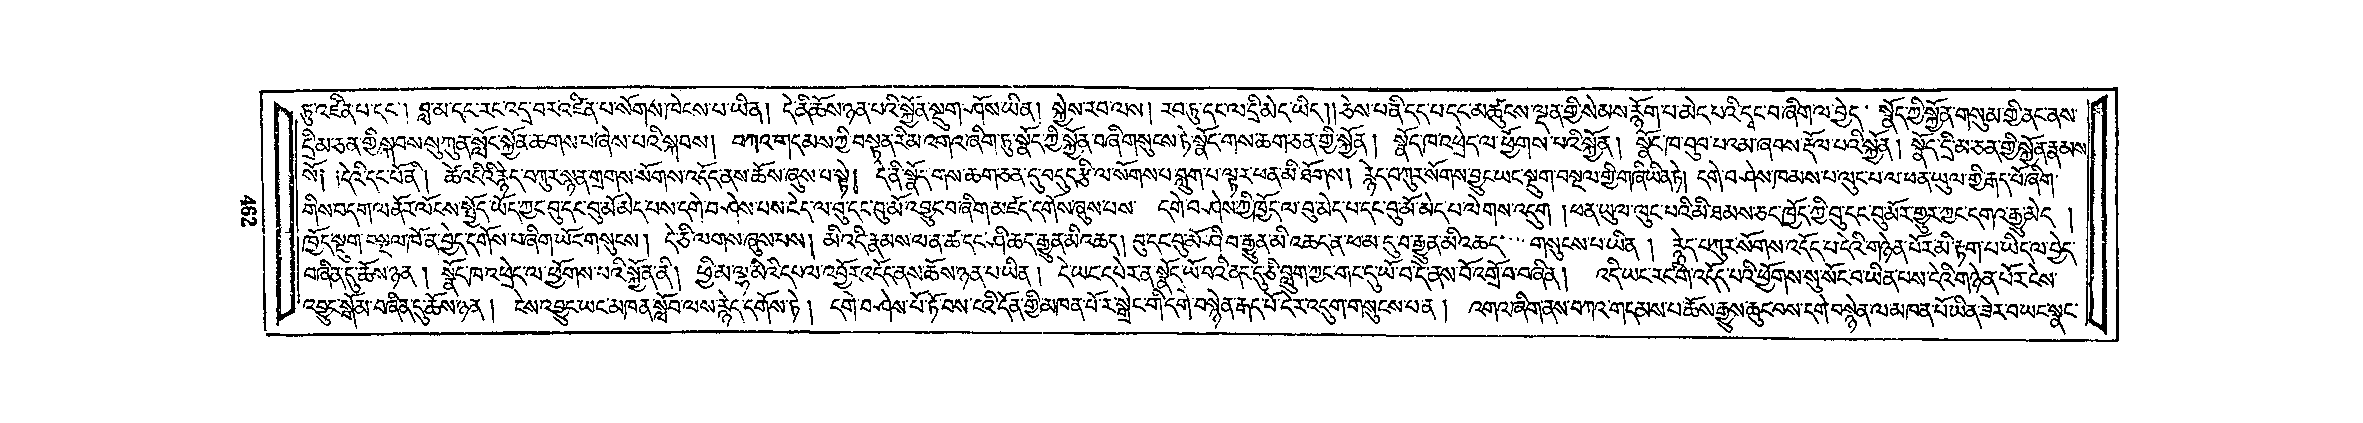ཏུ་འཛིན་པ་དང་། བླ་མ་དང་རང་འདྲ་བར་འཛིན་པ་སོགས་ཁེངས་པ་ཡིན། དེ་ནི་ཆོས་ཉན་པའི་སྐྱོན་སྡུག་ཤོས་ཡིན། སྐྱེས་རབ་ལས། རབ་ཏུ་དང་ལ་དྲི་མེད་ཡིད། །ཅེས་པ་ནི་དད་པ་དང་མཚུངས་ལྡན་གྱི་སེམས་རྙོག་པ་མེད་པའི་དྭང་བ་ཞིག་ལ་བྱེད་སྣོད་ཀྱི་སྐྱོན་གསུམ་གྱི་ནང་ནས་
དྲི་མ་ཅན་གྱི་སྐབས་སུ་ཀུན་སློང་སྐྱོན་ཆགས་པ་ཞེས་པའི་སྐབས། བཀའ་གདམས་ཀྱི་བསྟན་རིམ་འགའ་ཞིག་ཏུ་སྣོད་ཀྱི་སྐྱོན་བཞི་གསུངས་ཏེ་སྣོད་གས་ཆག་ཅན་གྱི་སྐྱོན། སྣོད་ཁ་འཕྲེད་ལ་ཕྱོགས་པའི་སྐྱོན། སྣོང་ཁ་བུབ་པའམ་ཞབས་རྡོལ་པའི་སྐྱོན། སྣོད་དྲི་མ་ཅན་གྱི་སྐྱོན་རྣམས་
སོ། །དེའི་དང་པོ་ནི། ཚེ་འདིའི་རྙེད་བཀུར་སྙན་གྲགས་སོགས་འདོད་ནས་ཆོས་ཞུས་པ་སྟེ། དེ་ནི་སྣོད་གས་ཆག་ཅན་དུ་བདུད་རྩི་ལ་སོགས་པ་བླུག་པ་ལྟར་ཕན་མི་ཐོགས། རྙེད་བཀུར་སོགས་བྱུང་ཡང་སྡུག་བསྔལ་གྱི་གཞི་ཡིན་ཏེ། དགེ་བཤེས་ཁམས་པ་ལུང་པ་ལ་ཕན་ཡུལ་གྱི་རྒད་པོ་ཞིག་
གིས་བདག་ལ་ནོར་ལོངས་སྤྱོད་ཡོད་ཀྱང་བུ་དང་བུ་མོ་མེད་པས་དགེ་བཤེས་པས་ངེད་ལ་བུ་དང་བུ་མོ་འབྱུང་བ་ཞིག་མཛད་དགོས་ཞུས་པས། དགེ་བཤེས་ཀྱི་ཁྱོད་ལ་བུ་མེད་པ་དང་བུ་མོ་མེད་པ་ལེགས་འདུག །ཕན་ཡུལ་ལུང་པའི་མི་ཐམས་ཅད་ཁྱོད་ཀྱི་བུ་དང་བུ་མོར་གྱུར་ཀྱང་དགའ་རྒྱུ་མེད།
ཁྱོད་སྡུག་བསྔལ་ཁོ་ན་བྱེད་དགོས་པ་ཞིག་ཡོང་གསུངས། དེ་ཅི་ལགས་ཞུས་པས། མི་འདི་རྣམས་ལ་ན་ཚ་དང་ཤི་ཆད་རྒྱུན་མི་འཆད། བུ་དང་བུ་མོ་ཤི་བ་རྒྱུན་མི་འཆད་ན་ཕ་མ་དུ་བ་རྒྱུན་མི་འཆད་གསུངས་པ་ཡིན། རྙེད་བཀུར་སོགས་འདོད་པ་དེའི་གཉེན་པོར་མི་རྟག་པ་ཡིད་ལ་བྱེད་
བཞིན་དུ་ཆོས་ཉན། སྣོད་ཁ་འཕྲེང་ལ་ཕྱོགས་པའི་སྐྱོན་ནི། ཕྱི་མ་ལྷ་མིའི་དཔལ་འབྱོར་འདོད་ནས་ཆོས་ཉན་པ་ཡིན། དེ་ཡང་དཔེར་ན་སྣོད་ཡོ་བའི་ནང་དུ་ཅི་བླུག་ཀྱང་གང་དུ་ཡོ་བ་དེ་ནས་བོ་འགྲོ་བ་བཞིན། འདི་ཡང་རང་གི་འདོད་པའི་ཕྱོགས་སུ་སོང་བ་ཡིན་པས་དེའི་གཉེན་པོར་ངེས་
འབྱུང་སྒོམ་བཞིན་དུ་ཆོས་ཉན། ངེས་འབྱུང་ཡང་མཁན་སློབ་ལས་རྙེད་དགོས་ཏེ། དགེ་བཤེས་པོ་ཏོ་བས་ངའི་དོན་གྱི་མཁན་པོ་ར་སྒྲེང་གི་དགེ་བསྙེན་རྒད་པོ་དེར་འདུག་གསུངས་པ་ན། འགའ་ཞིག་ནས་བཀའ་གདམས་པ་ཆོས་རྒྱུས་ཆུང་བས་དགེ་བསྙེན་ལ་མཁན་པོ་ཡིན་ཟེར་བ་ཡང་སྣང་